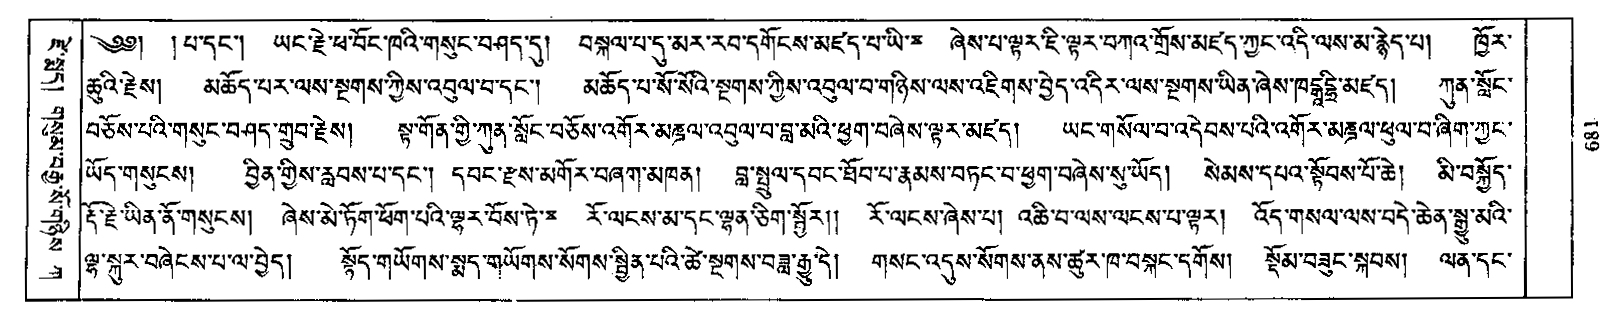༄༅། །པ་དང་། ཡང་རྗེ་ཕ་བོང་ཁའི་གསུང་བཤད་དུ། བསྐལ་པ་དུ་མར་རབ་དགོངས་མཛད་པ་ཡི་྾་ཞེས་པ་ལྟར་ཇི་ལྟར་བཀའ་གྲོས་མཛད་ཀྱང་འདི་ལས་མ་རྙེད་པ། ཁྱོར་
ཆུའི་རྗེས། མཆོད་པར་ལས་སྔགས་ཀྱིས་འབུལ་བ་དང་། མཆོད་པ་སོ་སོའི་སྔགས་ཀྱིས་འབུལ་བ་གཉིས་ལས་འཇིགས་བྱེད་འདིར་ལས་སྔགས་ཡིན་ཞེས་ཁངྒཱ་དྷྲི་མཛད། ཀུན་སློང་
བཅོས་པའི་གསུང་བཤད་གྲུབ་རྗེས། སྟ་གོན་གྱི་ཀུན་སློང་བཅོས་འགོར་མཎྜལ་འབུལ་བ་བླ་མའི་ཕྱག་བཞེས་ལྟར་མཛད། ཡང་གསོལ་བ་འདེབས་པའི་འགོར་མཎྜལ་ཕུལ་བ་ཞིག་ཀྱང་
ཡོད་གསུངས། བྱིན་གྱིས་རླབས་པ་དང་། དབང་རྫས་མགོར་བཞག་མཁན། བླ་སྤྲུལ་དབང་ཐོབ་པ་རྣམས་བཏང་བ་ཕྱག་བཞེས་སུ་ཡོད། སེམས་དཔའ་སྟོབས་པོ་ཆེ། མི་བསྐྱོད་
རྡོ་རྗེ་ཡིན་ནོ་གསུངས། ཞེས་མེ་ཏོག་ཕོག་པའི་ལྷར་བོས་ཏེ་྾་རོ་ལངས་མ་དང་ལྷན་ཅིག་སྦྱོར།། རོ་ལངས་ཞེས་པ། འཆི་བ་ལས་ལངས་པ་ལྟར། འོད་གསལ་ལས་བདེ་ཆེན་སྒྱུ་མའི་
ལྷ་སྐུར་བཞེངས་པ་ལ་བྱེད། སྟོད་གཡོགས་སྨད་གཡོགས་སོགས་སྦྱིན་པའི་ཚེ་སྔགས་བཟླ་རྒྱུ་དེ། གསང་འདུས་སོགས་ནས་ཚུར་ཁ་བསྐང་དགོས། སྡོམ་བཟུང་སྐབས། ལན་དང་